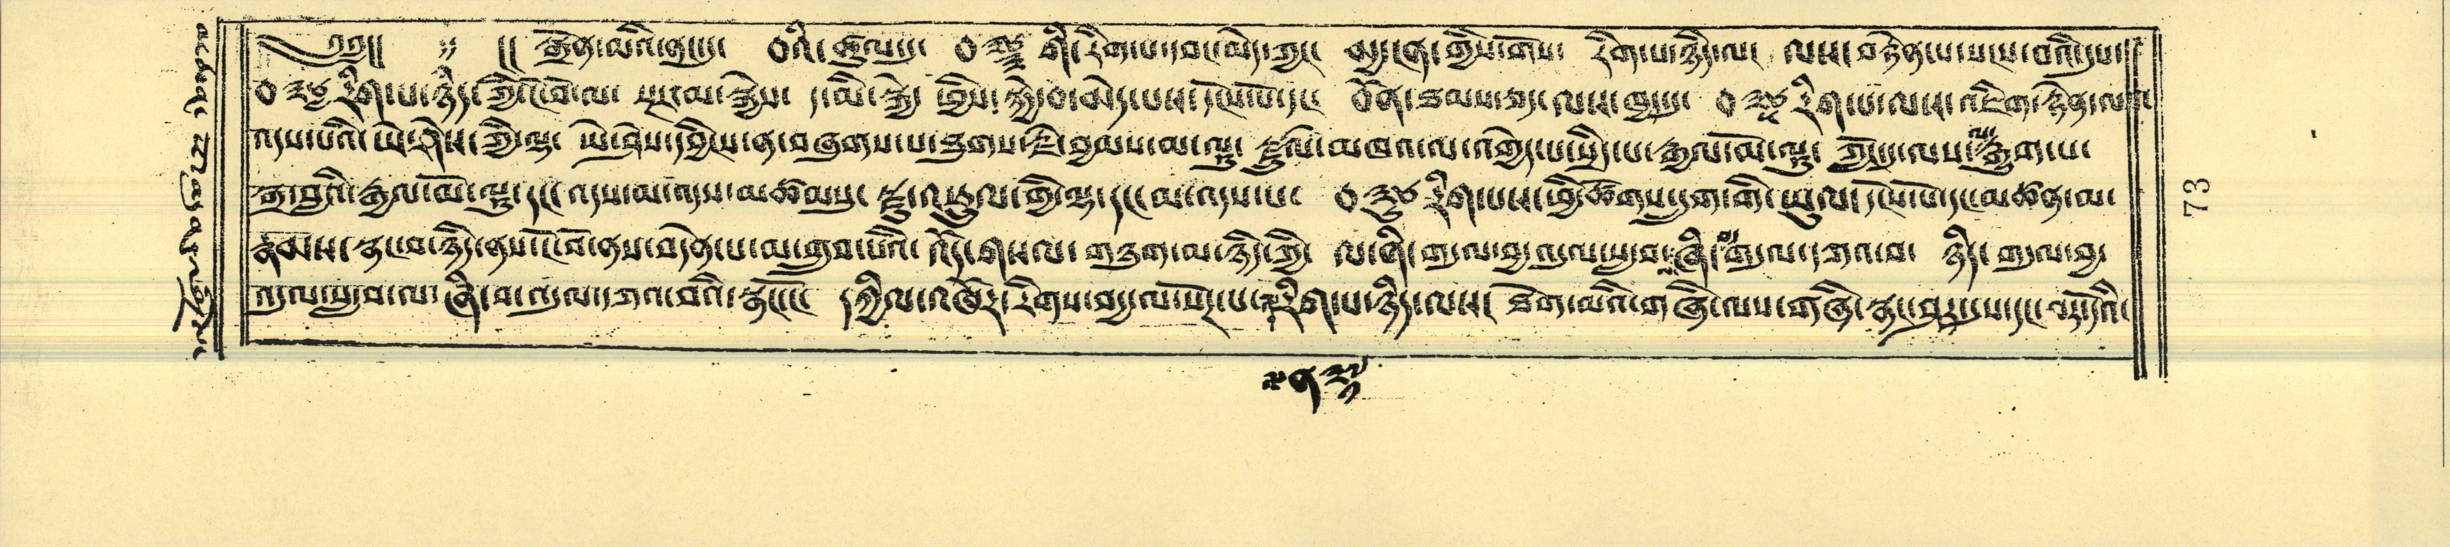སྒྲོན་མའི་ནང་དུ་༼བའི༽ཚུལ་དུ་བ༣༦།༣༼གི༽རིག་པ་དབང་མེད་ཀྱང་༼མྱ་ངན༽གྱིས་གོས་རིག་པ་ཉིད་ལ་༼ལས༽བརྟེན་པ་སངས་པའི་དུས་
བ༣༦།༤ ༼རིག་པ་ཉིད༽ཀྱི་ངོ་བོ་ལ་སྔར་མ་སྐྱེས་ད་མི་སྐྱེ་ཕྱིས་༼སྐྱེ་བ་མེད་པས༽དངོས་པོ་དང་ ༼བོན༽ཐམས་ཅད་༼ལས༽ཁྱད་དུ་བ༣༦།༥༼རིག་པ་ལས༽འཇིག་རྟེན་ལས་
འདས་པའི་༼ཡེ་ཤེས༽ཀྱི་ལྷ་ཡེ་ཤེས་དབྱིངས་ནས་བཞུགས་པ་ཐུགས་རྗེ་བྱམས་མ་ལྟ་བུ་རྫུ་འཕྲུལ་མཁའ་ལ་འགྱེད་པ་སྲིད་པ་རྒྱལ་མོ་ལྟ་བུ་ཀློང་དུ་ལས་ལ་རྒྱུག་པ་
སྒྲ་བླའི་རྒྱལ་མོ་ལྟ་བུ། ༼དང༽འདས་མ་འདས་མཚམས་སུ་༼རྫུ་འཕྲུལ༽གྱི་ལྷ་༼དང་༽མ་འདས་པ་བ༣༦།༦༼རིག་པས༽ཕྱི་ཚོགས་དྲུག་གི་༼ཡུལ༽དངོས་པོ་དང་མཚན་མ་
༼རྣམས༽སྣང་བ་ཉིད་ནས་ངོ་བོ་ནས་བདེན་པ་མ་གྲུབ་པའི་༼འོད་གསལ༽གཉུག་མ་ཉིད་ཀྱི་༼ལ་ནི༽གདུལ་བྱ་འདུལ་སླ་བ་༼མ་ཞི་བ༽འདུལ་དཀའ་༼ཉིད༽གདུལ་བྱ་
འདུལ་སླ་བ་ལ་༼ཞི་བ༽འདུལ་དཀའ་བའི་སྣང་ངོ་།༼དཀྱིལ་འཁོར༽རིགས་བརྒྱ་ལ་སོགས་པ་ན༣༧།༡༼རིག་པ་ཉིད་ལས༽ཐོག་མའི་གཞི་ལས་གཞི་སྣང་ཤར་དུས་དང་། བར་དོའི་